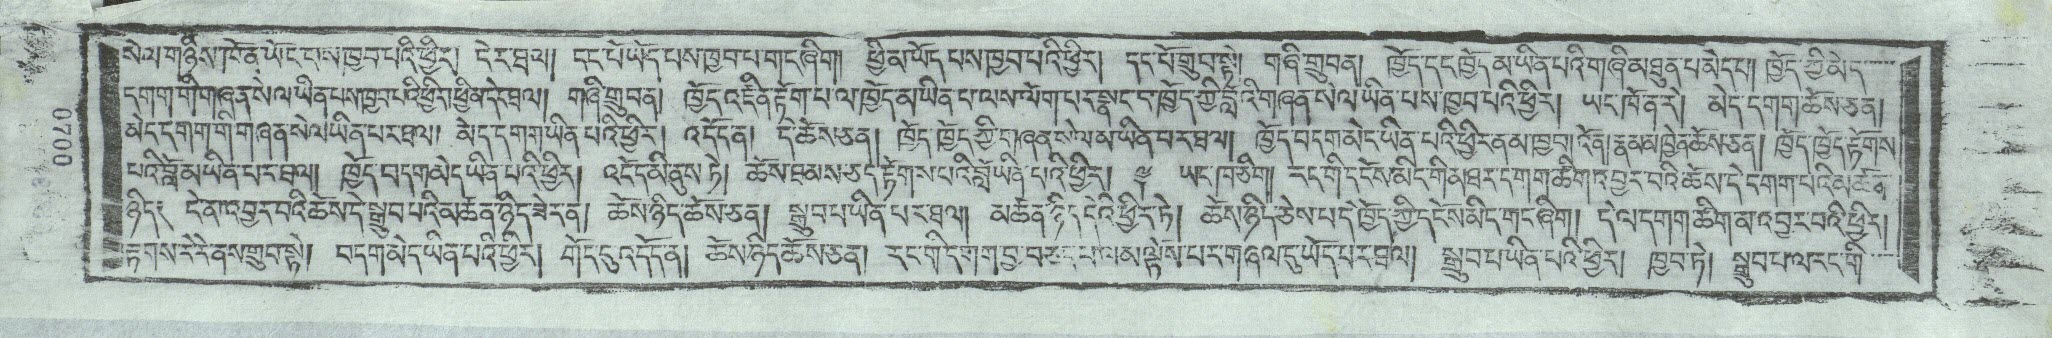སེལ་གཉིས་ཁོ་ན་ཡོད་པས་ཁྱབ་པའི་ཕྱིར། དེར་ཐལ། དང་པོ་ཡོད་པས་ཁྱབ་པ་གང་ཞིག། ཕྱི་མ་ཡོད་པས་ཁྱབ་པའི་ཕྱིར། དང་པོ་གྲུབ་སྟེ། གཞི་གྲུབ་ན། ཁྱོད་དང་ཁྱོད་མ་ཡིན་པའི་གཞི་མཐུན་པ་མེད་པ། ཁྱོད་ཀྱི་མེད་
དགག་གི་གཞན་སེལ་ཡིན་པས་ཁྱབ་པའི་ཕྱིར། ཕྱི་མ་དེར་ཐལ། གཞི་གྲུབ་ན། ཁྱོད་འཛིན་རྟོག་པ་ལ་ཁྱོད་མ་ཡིན་པ་ལས་ལོག་པར་སྣང་བ་ཁྱོད་ཀྱི་བློའི་གཞན་སེལ་ཡིན་པས་ཁྱབ་པའི་ཕྱིར། ཡང་ཁོ་ན་རེ། མེད་དགག་ཆོས་ཅན།
མེད་དགག་གི་གཞན་སེལ་ཡིན་པར་ཐལ། མེད་དགག་ཡིན་པའི་ཕྱིར། འདོད་ན། དེ་ཆོས་ཅན། ཁྱོད་ཁྱོད་ཀྱི་གཞན་སེལ་མ་ཡིན་པར་ཐལ། ཁྱོད་བདག་མེད་ཡིན་པའི་ཕྱིར་ན་མ་ཁྱབ། འོ་ན། རྣམ་མཁྱེན་ཆོས་ཅན། ཁྱོད་ཁྱོད་རྟོགས་
པའི་བློ་མ་ཡིན་པར་ཐལ། ཁྱོད་བདག་མེད་ཡིན་པའི་ཕྱིར། འདོད་མི་ནུས་ཏེ། ཆོས་ཐམས་ཅད་རྟོགས་པའི་བློ་ཡིན་པའི་ཕྱིར། ༈ ཡང་ཁ་ཅིག། རང་གི་དངོས་མིང་གི་མཐར་དགག་ཚིག་འབྱར་བའི་ཆོས་དེ་དགག་པའི་མཚན་
ཉིད༑ དེ་མ་འབྱར་བའི་ཆོས་དེ་སྒྲུབ་པའི་མཚན་ཉིད་ཟེར་ན། ཆོས་ཉིད་ཆོས་ཅན། སྒྲུབ་པ་ཡིན་པར་ཐལ། མཚན་ཉིད་དེའི་ཕྱིར་ཏེ། ཆོས་ཉིད་ཅེས་པ་དེ་ཁྱོད་ཀྱི་དངོས་མིང་གང་ཞིག། དེ་ལ་དགག་ཚིག་མ་འབྱར་བའི་ཕྱིར།
རྟགས་རེ་རེ་ནས་གྲུབ་སྟེ། བདག་མེད་ཡིན་པའི་ཕྱིར། གོང་དུ་འདོད་ན། ཆོས་ཉིད་ཆོས་ཅན། རང་གི་དགག་བྱ་བཅད་པ་ལམ་ལྟོས་པར་གཞལ་དུ་ཡོད་པར་ཐལ། སྒྲུབ་པ་ཡིན་པའི་ཕྱིར། ཁྱབ་ཏེ། སྒྲུབ་པ་ལ་རང་གི་